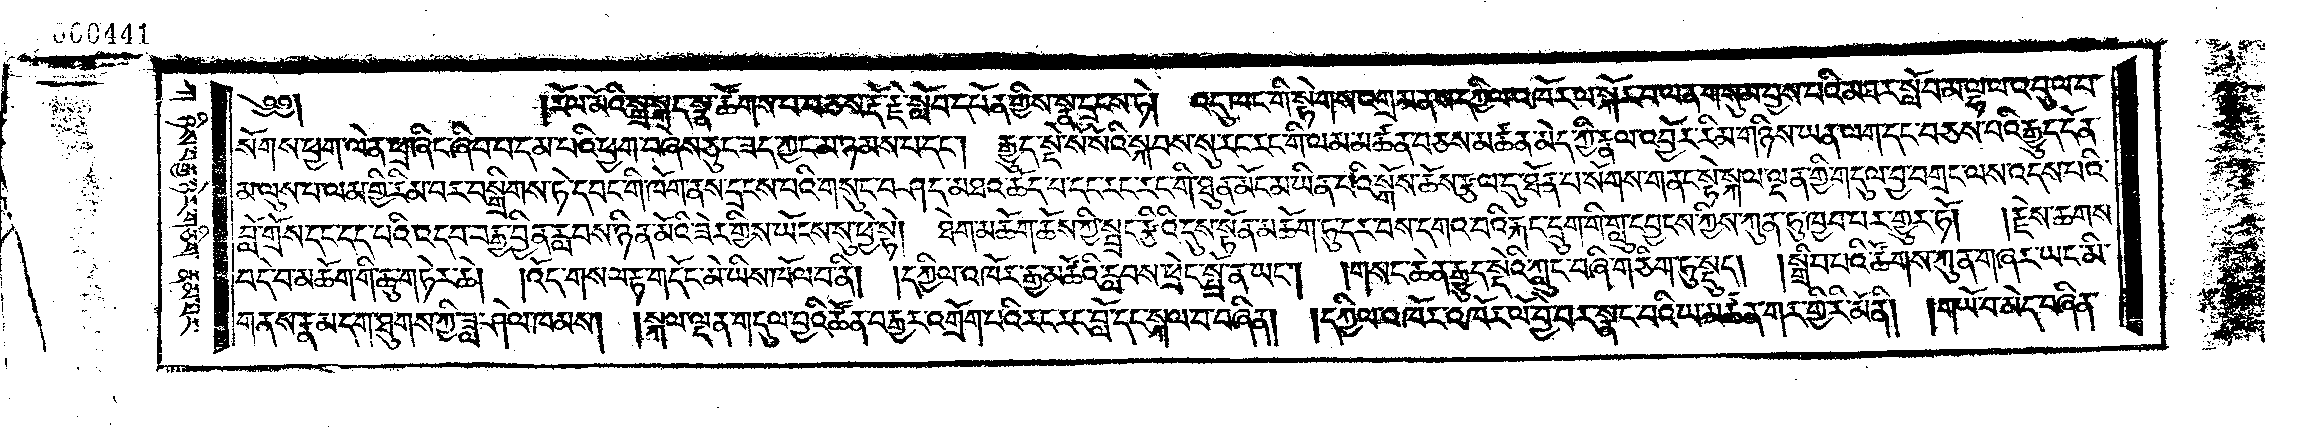༄༅། །རོལ་མོའི་སྒྲ་སྐད་སྣ་ཚོགས་པ་བཅས་རྡོ་རྗེ་སློབ་དཔོན་གྱིས་སྣ་དྲངས་ཏེ། འདུ་ཁང་གི་སྟེགས་འགྲམ་ནས་དཀྱིལ་འཁོར་ལ་སྐོར་བ་ལན་གསུམ་བྱས་པའི་མཐར་སློབ་མ་ལྷ་ལ་འབུལ་བ་
སོགས་ཕྱག་ལེན་ཕྲ་ཞིང་ཞིབ་པ་དམ་པའི་ཕྱག་བཞེས་ཅུང་ཟད་ཀྱང་མ་ཉམས་པ་དང་། རྒྱུད་སྡེ་སོ་སོའི་སྐབས་སུ་རང་རང་གི་ལམ་མཚན་བཅས་མཚན་མེད་ཀྱི་རྣལ་འབྱོར་རིམ་གཉིས་ཡན་ལག་དང་བཅས་པའི་རྒྱུད་དོན་
མ་ལུས་པ་ལམ་གྱི་རིམ་པར་བསྒྲིགས་ཏེ་དབང་གི་ཁོག་ནས་དྲངས་པའི་གསུང་བཤད་མཐའ་ཆོད་པ་དང་རང་རང་གི་ཐུན་མོང་མ་ཡིན་པའི་སྒོས་ཆོས་རྩལ་དུ་ཐོན་པ་སོགས་གནང་སྟེ་སྐལ་ལྡན་གྱི་གདུལ་བྱ་བགྲང་ལས་འདས་པའི་
བློ་གྲོས་དང་དད་པའི་འདབ་བརྒྱ་བྱིན་རླབས་ཉིན་མོའི་ཟེར་གྱིས་ཡོངས་སུ་ཕྱེ་སྟེ། ཐེག་མཆོག་ཆོས་ཀྱི་སྦྲང་རྩིའི་དུས་སྟོན་མཆོག་ཏུ་དར་བས་དགའ་བའི་རྐང་དྲུག་གི་གླུ་དབྱངས་ཀྱིས་ཀུན་ཏུ་ཁྱབ་པར་གྱུར་ཏོ། །རྗེས་ཆགས་
བདེ་བ་མཆོག་གི་ཆུ་གཏེར་ཆེ། །འོད་གསལ་རྟ་གདོང་མེ་ཡིས་ཁོལ་བ་ནི། །དཀྱིལ་འཁོར་རྒྱ་མཚོའི་རླབས་ཕྲེང་སྤྲོ་ན་ཡང་། །གསང་ཆེན་རྒྱུད་སྡེའི་ཀླུང་བཞི་གཅིག་ཏུ་སྡུད། །སྒྲིབ་པའི་ཚོགས་ཀུན་གཞར་ཡང་མི་
གནས་རྣམ་དག་ཐུགས་ཀྱི་ཟླ་ཤེལ་ཁམས། །སྐལ་ལྡན་གདུལ་བྱའི་ཚོན་བརྒྱར་འགྲོག་པའི་རང་རང་བློ་དང་སྐལ་བ་བཞིན། །དཀྱིལ་འཁོར་འཁོར་ལོ་བྱེ་བར་སྣང་བའི་ཡ་མཚན་གར་གྱི་རི་མོ་ནི། །གཡོ་བ་མེད་བཞིན་